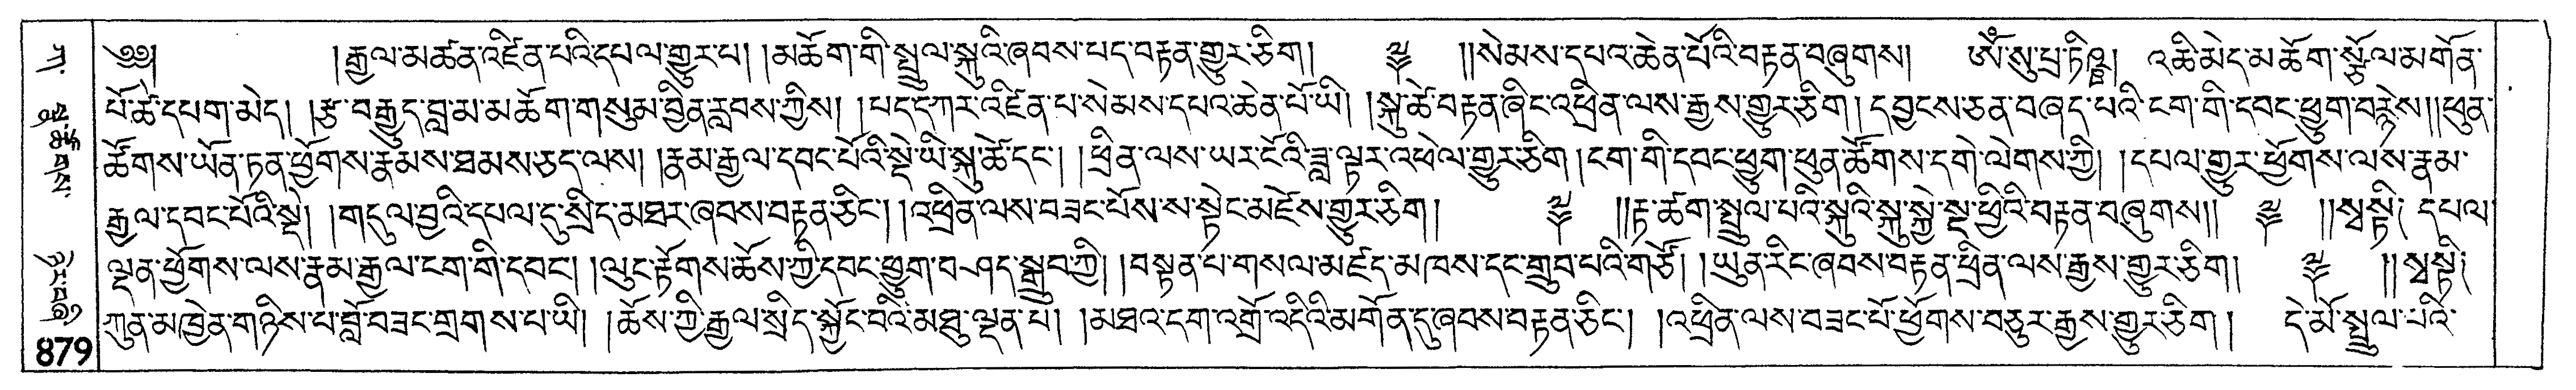༄༅། །རྒྱལ་མཚན་འཛིན་པའི་དཔལ་གྱུར་པ། །མཆོག་གི་སྤྲུལ་སྐུའི་ཞབས་པད་བརྟན་གྱུར་ཅིག ། ༈ །།སེམས་དཔའ་ཆེན་པོའི་བརྟན་བཞུགས། ཨོཾ་སུ་པྲ་ཏིཥཊཿཨ། འཆི་མེད་མཆོག་སྩོལ་མགོན་
པོ་ཚེ་དཔག་མེད། །རྩ་བརྒྱུད་བླ་མ་མཆོག་གསུམ་བྱིན་རླབས་ཀྱིས། །པད་དཀར་འཛིན་པ་སེམས་དཔའ་ཆེན་པོ་ཡི། །སྐུ་ཚེ་བརྟན་ཞིང་འཕྲིན་ལས་རྒྱས་གྱུར་ཅིག །དབྱངས་ཅན་བཞད་པའི་ངག་གི་དབང་ཕྱུག་བརྙེས། །ཕུན་
ཚོགས་ཡོན་ཏན་ཕྱོགས་རྣམས་ཐམས་ཅད་ལས། །རྣམ་རྒྱལ་དབང་པོའི་སྡེ་ཡི་སྐུ་ཚེ་དང་། །ཕྲིན་ལས་ཡར་ངོའི་ཟླ་ལྟར་འཕེལ་གྱུར་ཅིག །ངག་གི་དབང་ཕྱུག་ཕུན་ཚོགས་དགེ་ལེགས་ཀྱི། །དཔལ་གྱུར་ཕྱོགས་ལས་རྣམ་
རྒྱལ་དབང་པོའི་སྡེ། །གདུལ་བྱའི་དཔལ་དུ་སྲིད་མཐར་ཞབས་བརྟན་ཅིང་། །འཕྲིན་ལས་བཟང་པོས་ས་སྟེང་མཛེས་གྱུར་ཅིག ། ༈ །།རྟ་ཚག་སྤྲུལ་པའི་སྐུའི་སྐུ་སྐྱེ་སྔ་ཕྱིའི་བརྟན་བཞུགས།། ༈ །།སྭསྟི༑ དཔལ་
ལྡན་ཕྱོགས་ལས་རྣམ་རྒྱལ་ངག་གི་དབང་། །ལུང་རྟོགས་ཆོས་ཀྱི་དབང་ཕྱུག་བཤད་སྒྲུབ་ཀྱི། །བསྟན་པ་གསལ་མཛད་མཁས་དང་གྲུབ་པའི་གཙོ། །ཡུན་རིང་ཞབས་བརྟན་ཕྲིན་ལས་རྒྱས་གྱུར་ཅིག ། ༈ །།སྭསྟི༑
ཀུན་མཁྱེན་གཉིས་པ་བློ་བཟང་གྲགས་པ་ཡི། །ཆོས་ཀྱི་རྒྱལ་སྲིད་སྐྱོང་བའི་མཐུ་ལྡན་པ། །མཐའ་དག་འགྲོ་འདིའི་མགོན་དུ་ཞབས་བརྟན་ཅིང་། །འཕྲིན་ལས་བཟང་པོ་ཕྱོགས་བཅུར་རྒྱས་གྱུར་ཅིག །དེ་མོ་སྤྲུལ་པའི་